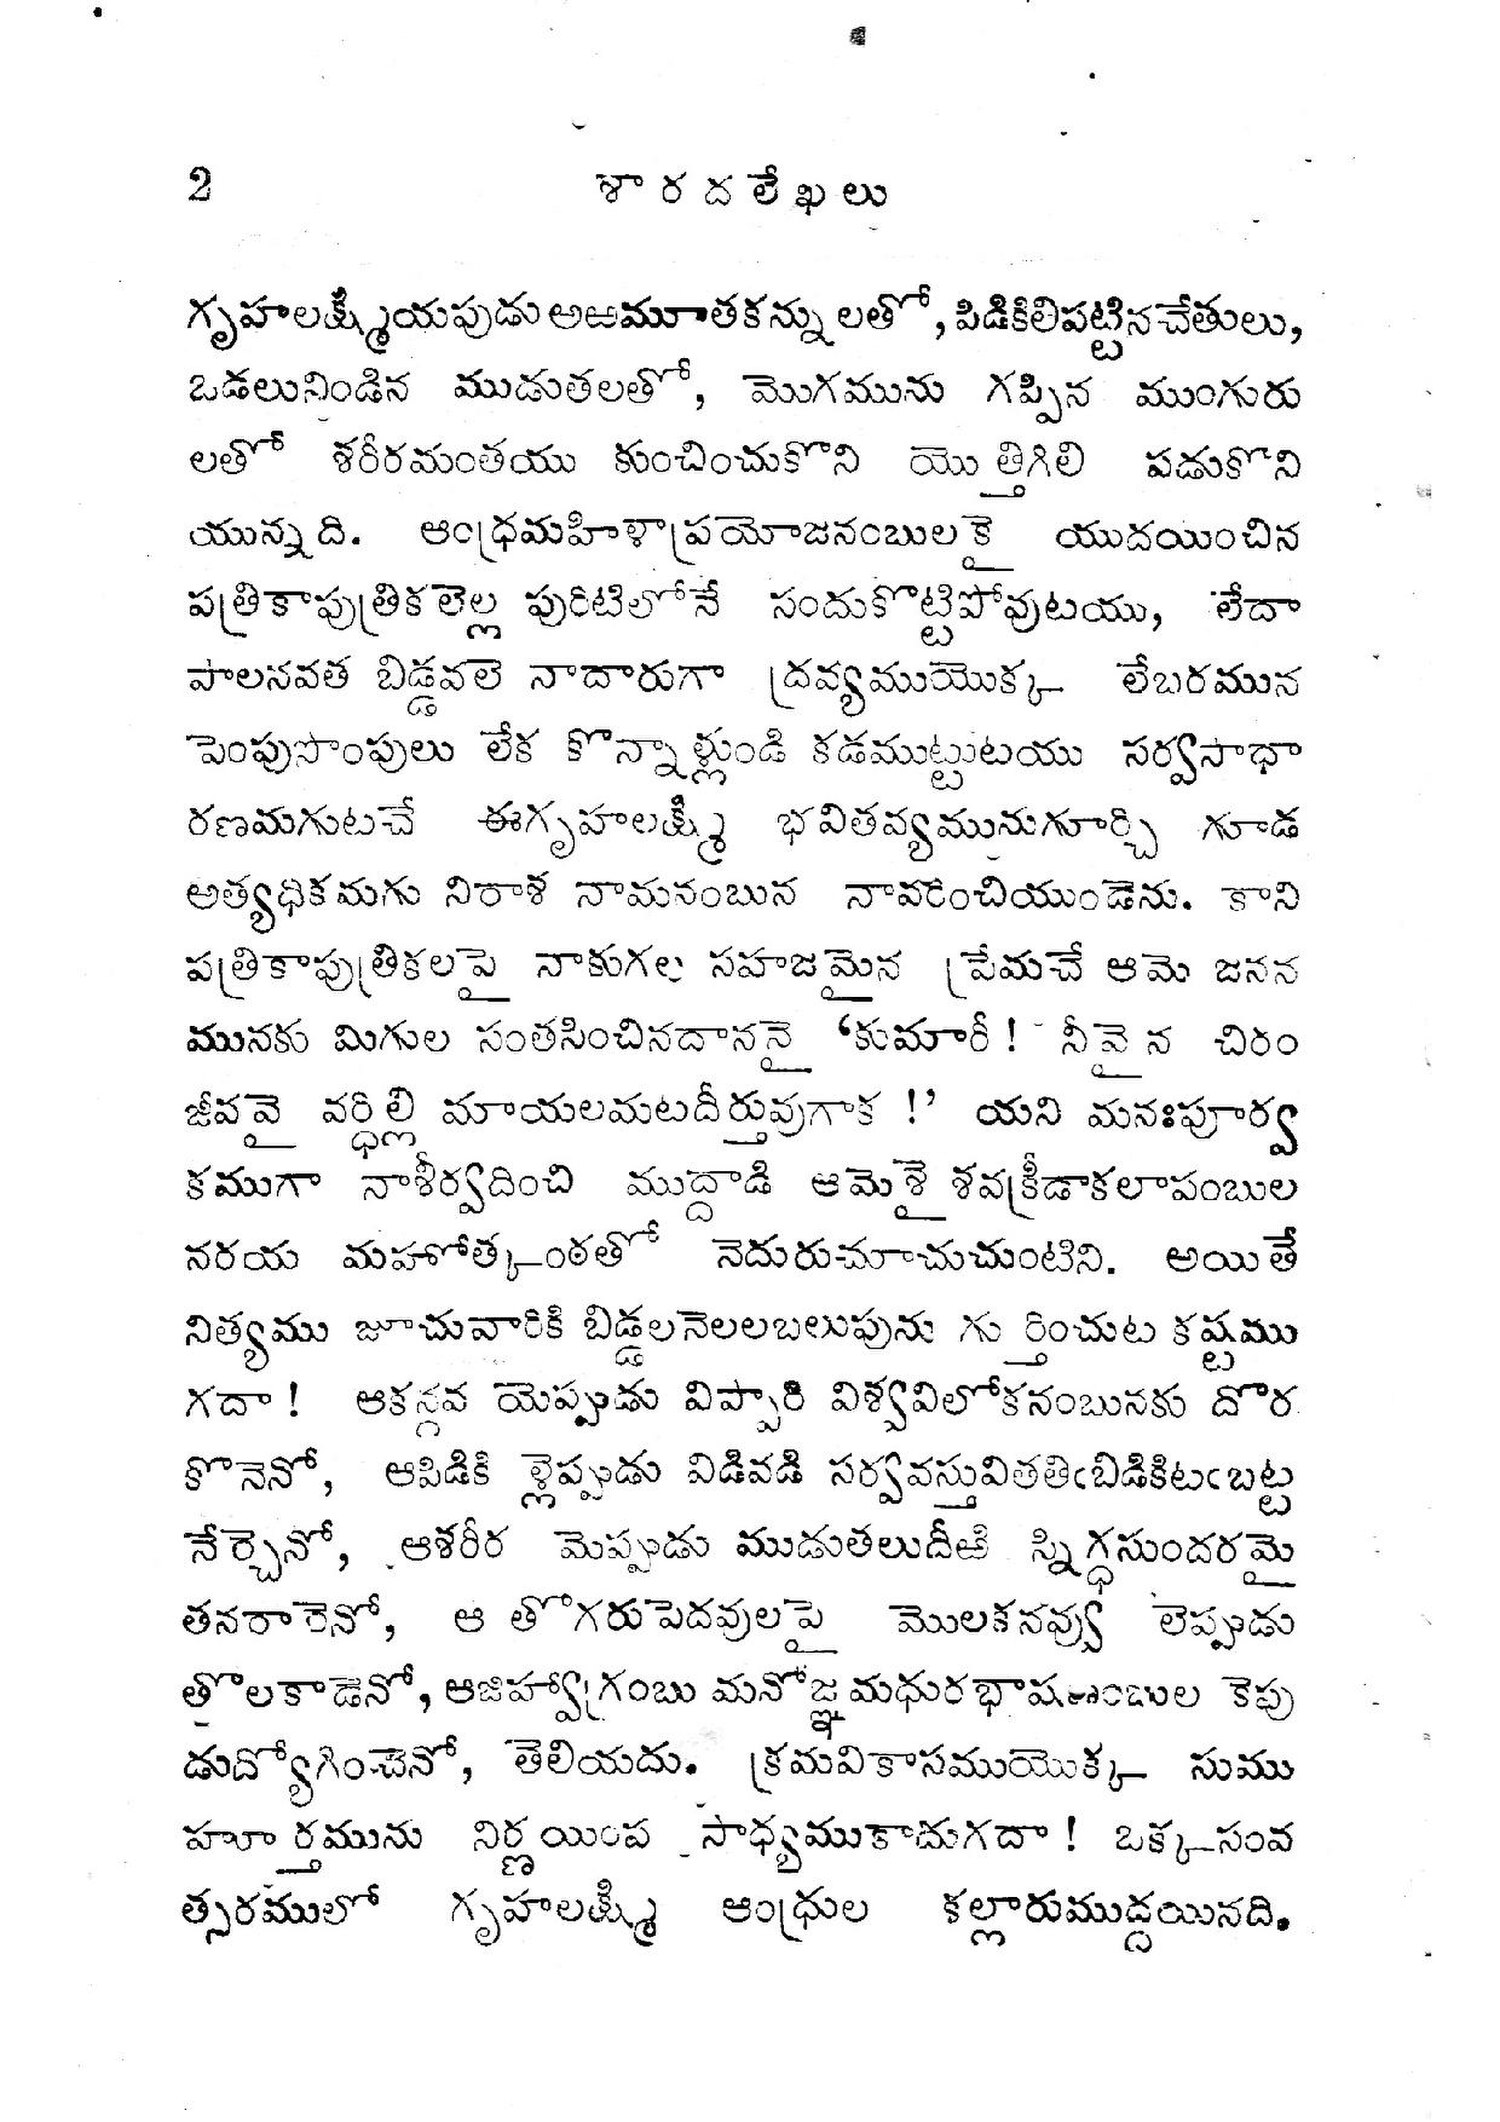గృహలక్ష్మీయపుడుఅఱమూతకన్నులతో, పిడికిలిపట్టినచేతులు,
ఒడలునిండిన ముడుతలతో, మొగమును గప్పిన ముంగురు
లతో శరీరమంతయు కుంచించుకొని యొత్తిగిలి పడుకొని
యున్నది. ఆంధ్రమహిళాప్రయోజనంబుల కై యుదయించిన
పత్రికాపుత్రికలెల్ల పురిటిలోనే సందుకొట్టిపోవుటయు, లేదా
పాలనవత బిడ్డవలె నాదారుగా ద్రవ్యముయొక్క లేబరమున
పెంపుసొంపులు లేక కొన్నాళ్లుండి కడముట్టుటయు సర్వసాధా
రణమగుటచే ఈగృహలక్ష్మి భవితవ్యమునుగూర్చి గూడ
అత్యధికమగు నిరాశ నామనంబున నావరించియుండెను. కాని
పత్రికాపుత్రికలపై నాకుగల సహజమైన ప్రేమచే ఆమె జనన
మునకు మిగుల సంతసించినదాననై 'కుమారీ ! నీవైన చిరం
జీవవై వర్థిల్లి మాయలమటదీర్తువుగాక !' యని మనఃపూర్వ
కముగా నాశీర్వదించి ముద్దాడి ఆమెశై శవక్రీడాకలాపంబుల
నరయ మహోత్కంఠతో నెదురుచూచుచుంటిని. అయితే
నిత్యము జూచువారికి బిడ్డలనెలలబలుపును గుర్తించుట కష్టము
గదా ! ఆకన్గవ యెప్పుడు విప్పారి విశ్వవిలోకనంబునకు దొర
కొనెనో, ఆపిడికి ళ్లెప్పుడు విడివడి సర్వవస్తువితతిఁబిడికిటఁబట్ట
నేర్చెనో, ఆశరీర మెప్పుడు ముడుతలుదీఱి స్నిగ్దసుందరమై
తనరారైనో, ఆ తొగరుపెదవులపై మొలకనవ్వు లెప్పుడు
తొలకాడెనో, ఆజిహ్వాగ్రంబు మనోజ్ఞమధురభాషణంబులు కెపు
డుద్యోగించెనో, తెలియదు. క్రమవికాసముయొక్క సుము
హూర్తమును నిర్ణయింప సాధ్యముకాదుగదా! ఒక్కసంవ
త్సరములో గృహలక్ష్మీ ఆంధ్రుల కల్లారుముద్దయినది.